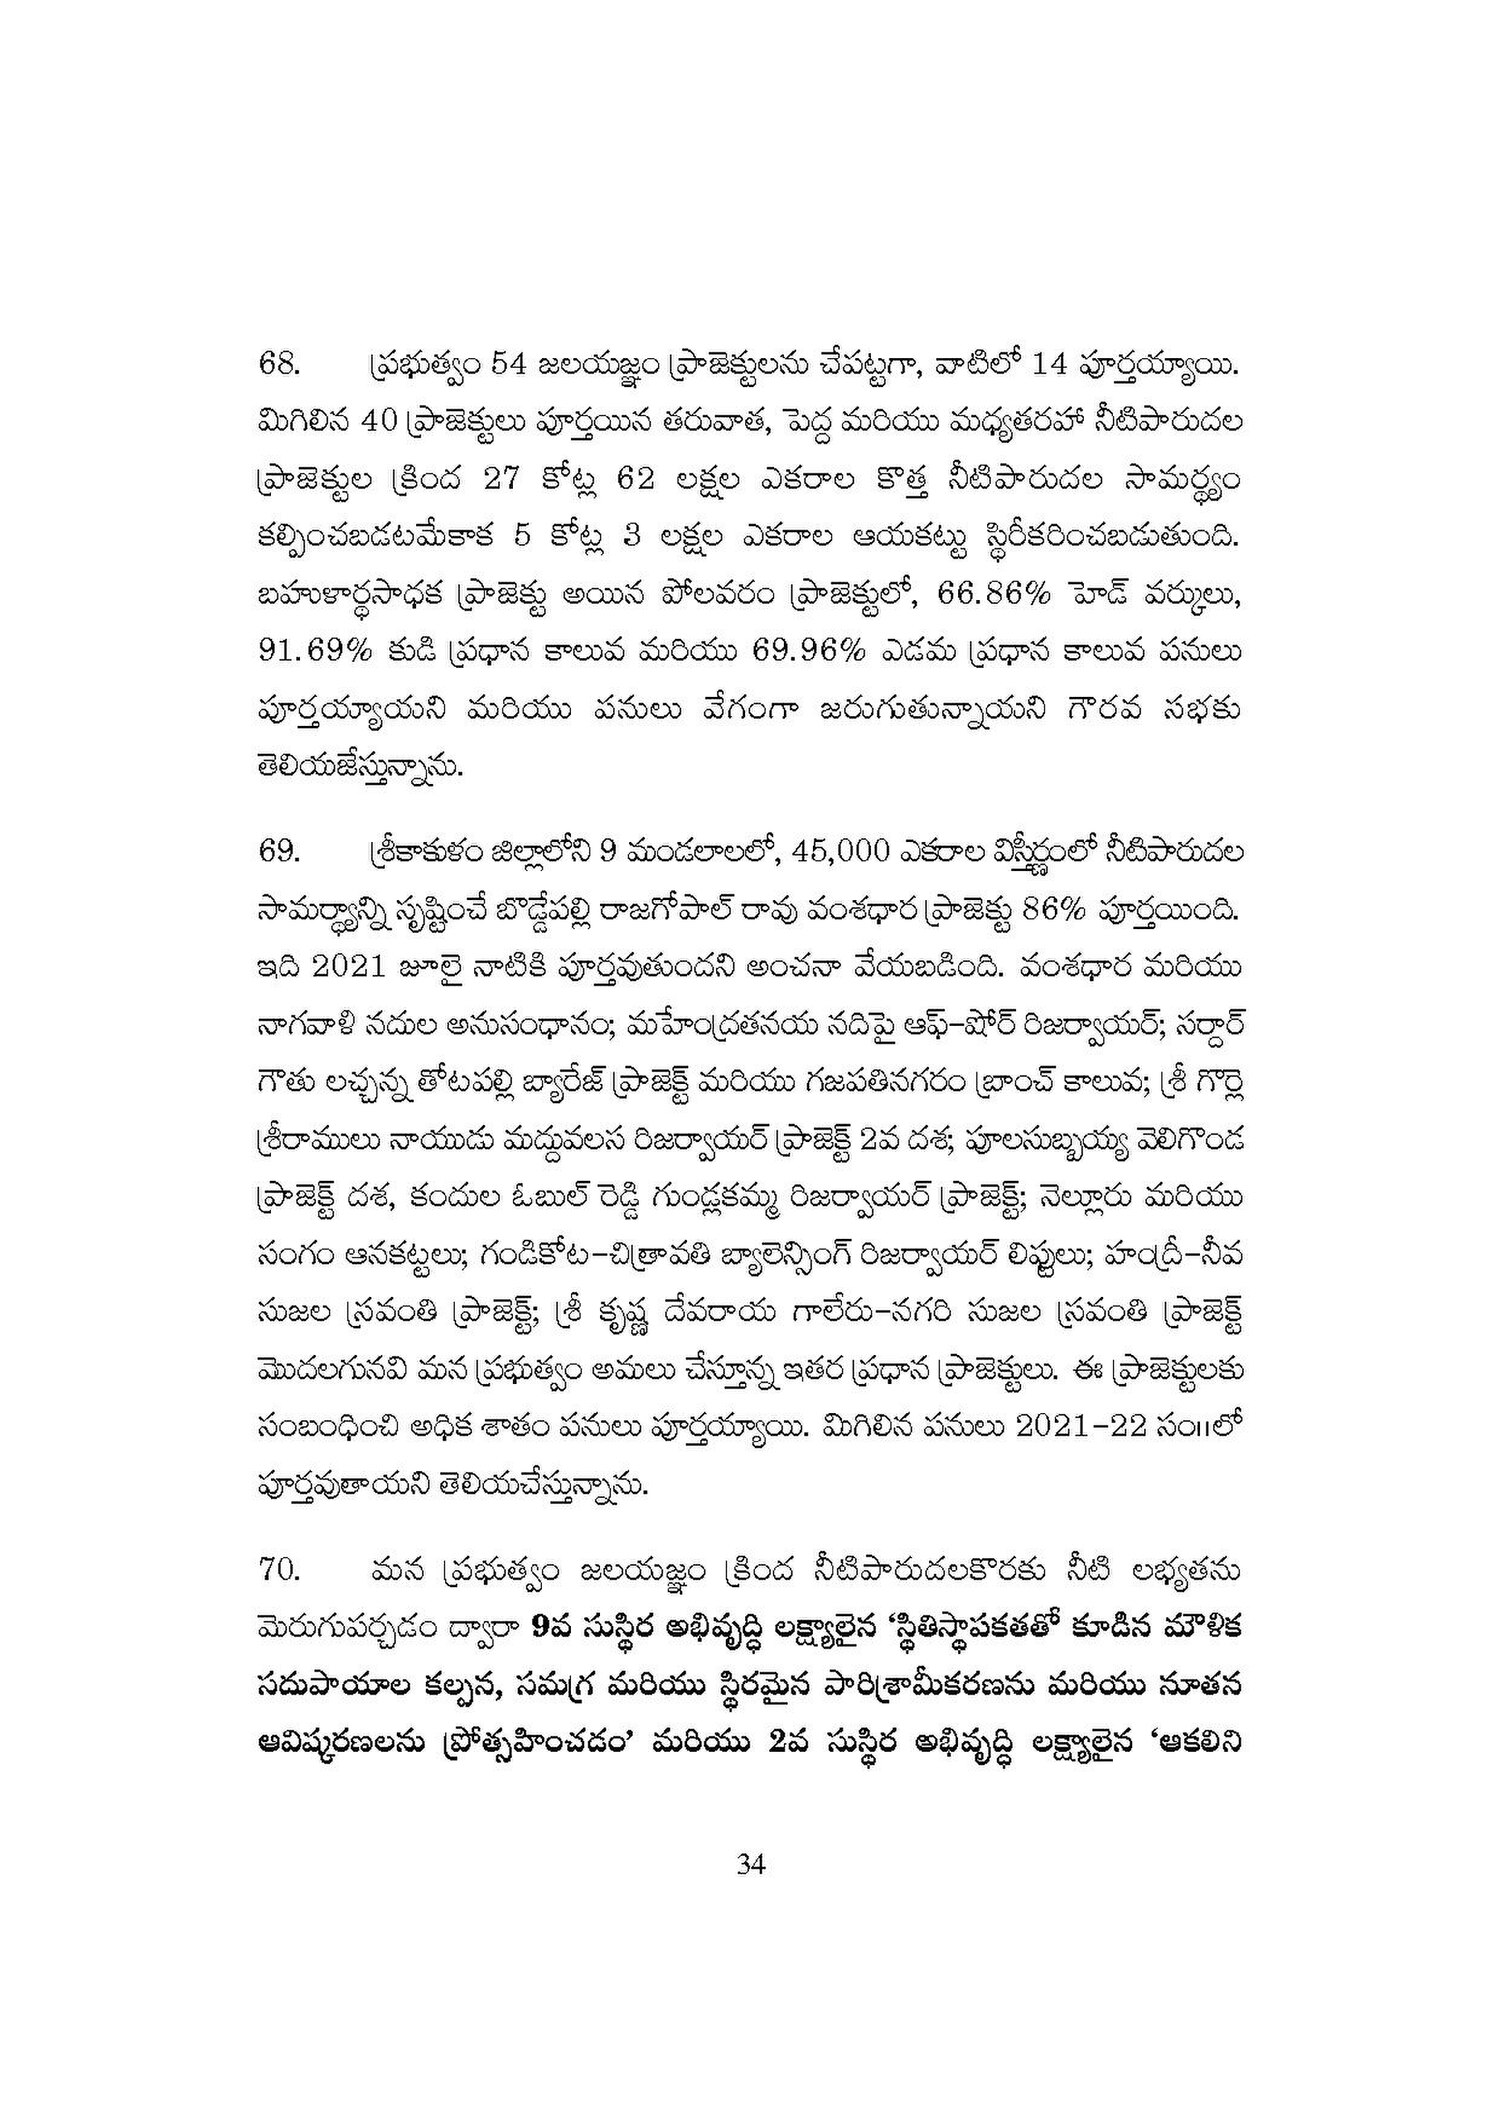68. ప్రభుత్వం 54 జలయజ్ఞం ప్రాజెక్టులను చేపట్టగా, వాటిలో 14 పూర్తయ్యాయి.
మిగిలిన 40 ప్రాజెక్టులు పూర్తయిన తరువాత, పెద్ద మరియు మధ్యతరహా నీటిపారుదల
ప్రాజెక్టుల క్రింద 27 కోట్ల 62 లక్షల ఎకరాల కొత్త నీటిపారుదల సామర్థ్యం
కల్పించబడటమేకాక 5 కోట్ల 3 లక్షల ఎకరాల ఆయకట్టు స్థిరీకరించబడుతుంది.
బహుళార్థసాధక ప్రాజెక్టు అయిన పోలవరం ప్రాజెక్టులో, 66.86% హెడ్ వర్కులు,
91.69% కుడి ప్రధాన కాలువ మరియు 69.96% ఎడమ ప్రధాన కాలువ పనులు
పూర్తయ్యాయని మరియు పనులు వేగంగా జరుగుతున్నాయని గౌరవ సభకు
తెలియజేస్తున్నాను.

69. శ్రీకాకుళం జిల్లాలోని 9 మండలాలలో, 45,000 ఎకరాల విస్తీర్ణంలో నీటి పారుదల
సామర్థ్యాన్ని సృష్టించే బొడ్డేపల్లి రాజగోపాల్ రావు వంశధార ప్రాజెక్టు 86% పూర్తయింది.
ఇది 2021 జూలై నాటికి పూర్తవుతుందని అంచనా వేయబడింది. వంశధార మరియు
నాగవాళి నదుల అనుసంధానం; మహేంద్రతనయ నదిపై ఆఫ్-షోర్ రిజర్వాయర్; సర్దార్
గౌతు లచ్చన్న తోటపల్లి బ్యారేజ్ ప్రాజెక్ట్ మరియు గజపతినగరం బ్రాంచ్ కాలువ; శ్రీ గొర్లె
శ్రీరాములు నాయుడు మద్దువలస రిజర్వాయర్ ప్రాజెక్ట్ 2వ దశ; పూలసుబ్బయ్య వెలిగొండ
ప్రాజెక్ట్ దశ, కందుల ఓబుల్ రెడ్డి గుండ్లకమ్మ రిజర్వాయర్ ప్రాజెక్ట్, నెల్లూరు మరియు
సంగం ఆనకట్టలు; గండికోట-చిత్రావతి బ్యాలెన్సింగ్ రిజర్వాయర్ లిఫ్టులు; హంద్రీ-నీవ
సుజల స్రవంతి ప్రాజెక్ట్; శ్రీ కృష్ణ దేవరాయ గాలేరు-నగరి సుజల స్రవంతి ప్రాజెక్ట్
మొదలగునవి మన ప్రభుత్వం అమలు చేస్తున్న ఇతర ప్రధాన ప్రాజెక్టులు. ఈ ప్రాజెక్టులకు
సంబంధించి అధిక శాతం పనులు పూర్తయ్యాయి. మిగిలిన పనులు 2021-22 సం॥లో
పూర్తవుతాయని తెలియచేస్తున్నాను.

70. మన ప్రభుత్వం జలయజ్ఞం క్రింద నీటిపారుదలకొరకు నీటి లభ్యతను
మెరుగుపర్చడం ద్వారా 9వ సుస్థిర అభివృద్ధి లక్ష్యాలైన 'స్థితిస్థాపకతతో కూడిన మౌళిక సదుపాయాల కల్పన, సమగ్ర మరియు స్థిరమైన పారిశ్రామీకరణను మరియు నూతన ఆవిష్కరణలను ప్రోత్సహించడం' మరియు 2వ సుస్థిర అభివృద్ధి లక్ష్యాలైన 'ఆకలిని